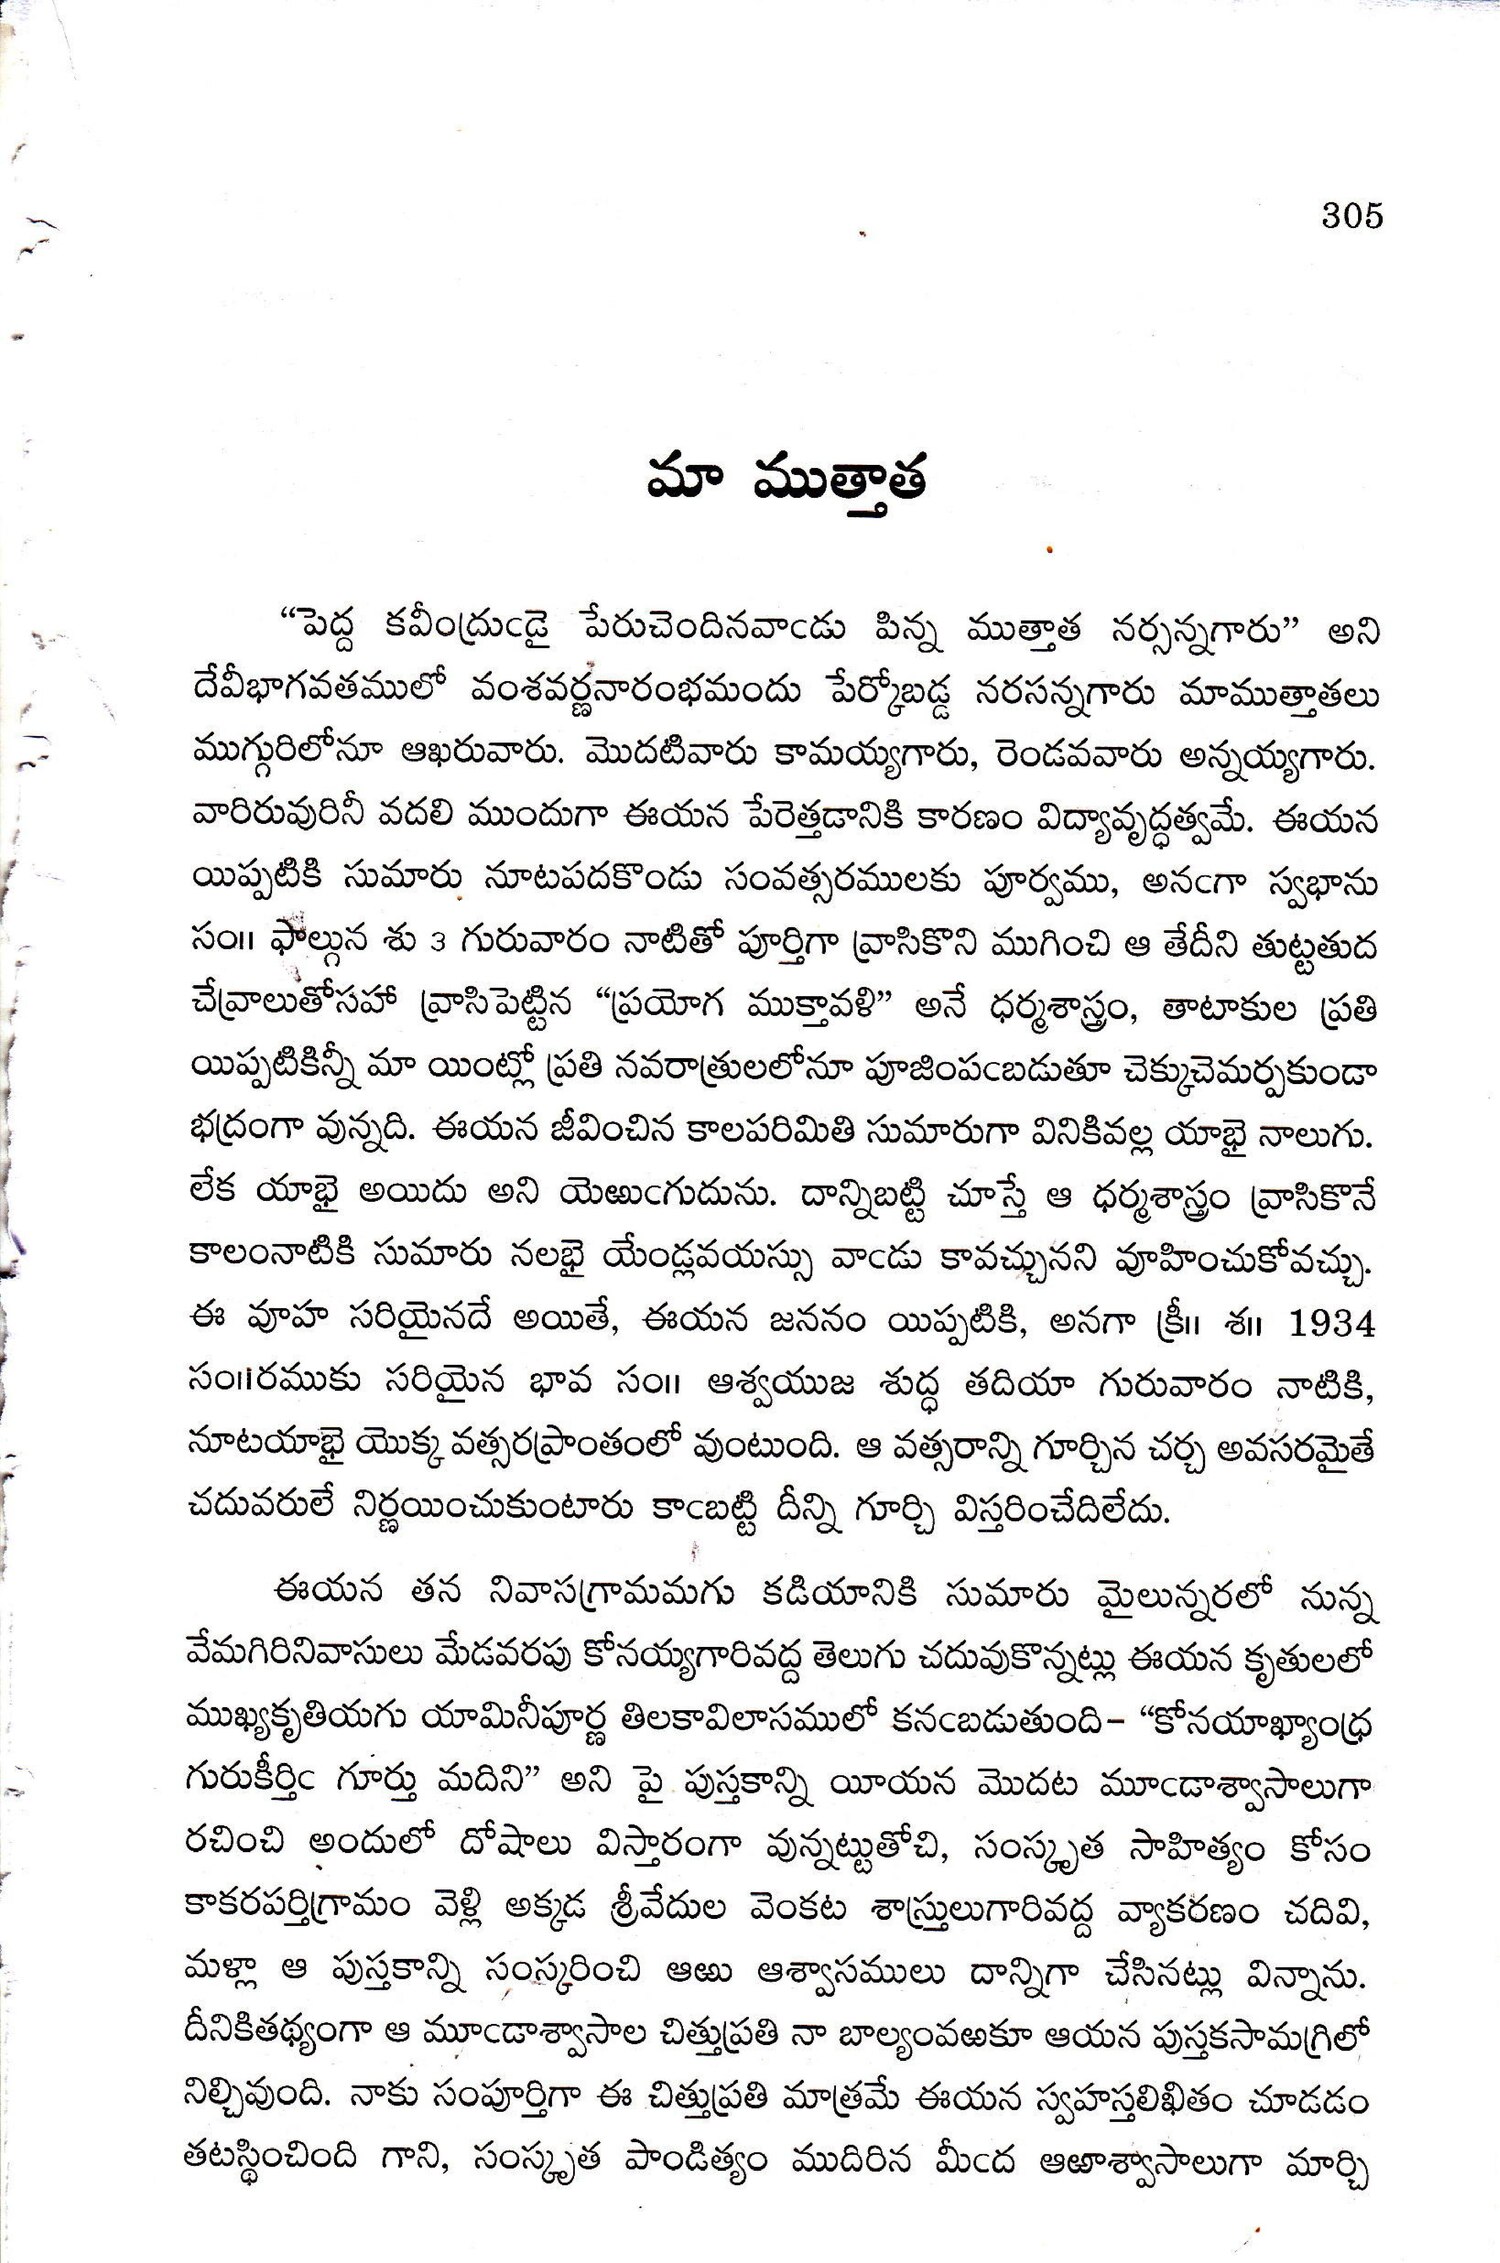మా ముత్తాత

“పెద్ద కవీంద్రుఁడై పేరుచెందినవాఁడు పిన్న ముత్తాత నర్సన్నగారు” అని దేవీభాగవతములో వంశవర్ణనారంభమందు పేర్కోబడ్డ నరసన్నగారు మాముత్తాతలు ముగ్గురిలోనూ ఆఖరువారు. మొదటివారు కామయ్యగారు, రెండవవారు అన్నయ్యగారు. వారిరువురినీ వదలి ముందుగా ఈయన పేరెత్తడానికి కారణం విద్యావృద్ధత్వమే. ఈయన యిప్పటికి సుమారు నూటపదకొండు సంవత్సరములకు పూర్వము, అనఁగా స్వభాను సం|| ఫాల్గున శు 3 గురువారం నాటితో పూర్తిగా వ్రాసికొని ముగించి ఆ తేదీని తుట్టతుద చేవ్రాలుతోసహా వ్రాసిపెట్టిన “ప్రయోగ ముక్తావళి" అనే ధర్మశాస్త్రం, తాటాకుల ప్రతి యిప్పటికిన్నీ మా యింట్లో ప్రతి నవరాత్రులలోనూ పూజింపఁబడుతూ చెక్కుచెమర్పకుండా భద్రంగా వున్నది. ఈయన జీవించిన కాలపరిమితి సుమారుగా వినికివల్ల యాభై నాలుగు. లేక యాభై అయిదు అని యెఱుఁగుదును. దాన్నిబట్టి చూస్తే ఆ ధర్మశాస్త్రం వ్రాసికొనే కాలంనాటికి సుమారు నలభై యేండ్లవయస్సు వాఁడు కావచ్చునని వూహించుకోవచ్చు. ఈ వూహ సరియైనదే అయితే, ఈయన జననం యిప్పటికి, అనగా క్రీ. శ. 1934 సంllరముకు సరియైన భావ సం|| ఆశ్వయుజ శుద్ధ తదియా గురువారం నాటికి, నూటయాభై యొక్క వత్సరప్రాంతంలో వుంటుంది. ఆ వత్సరాన్ని గూర్చిన చర్చ అవసరమైతే చదువరులే నిర్ణయించుకుంటారు కాఁబట్టి దీన్ని గూర్చి విస్తరించేదిలేదు. 

ఈయన తన నివాసగ్రామమగు కడియానికి సుమారు మైలున్నరలో నున్న వేమగిరినివాసులు మేడవరపు కోనయ్యగారివద్ద తెలుగు చదువుకొన్నట్లు ఈయన కృతులలో ముఖ్యకృతియగు యామినీపూర్ణ తిలకావిలాసములో కనఁబడుతుంది- "కోనయాఖ్యాంధ్ర గురుకీర్తిఁ గూర్తు మదిని” అని పై పుస్తకాన్ని యీయన మొదట మూఁడాశ్వాసాలుగా రచించి అందులో దోషాలు విస్తారంగా వున్నట్టుతోచి, సంస్కృత సాహిత్యం కోసం కాకరపర్తిగ్రామం వెళ్లి అక్కడ శ్రీవేదుల వెంకట శాస్త్రులుగారివద్ద వ్యాకరణం చదివి, మళ్లా ఆ పుస్తకాన్ని సంస్కరించి ఆఱు ఆశ్వాసములు దాన్నిగా చేసినట్లు విన్నాను. దీనికితథ్యంగా ఆ మూఁడాశ్వాసాల చిత్తుప్రతి నా బాల్యంవఱకూ ఆయన పుస్తకసామగ్రిలో నిల్చివుంది. నాకు సంపూర్తిగా ఈ చిత్తుప్రతి మాత్రమే ఈయన స్వహస్తలిఖితం చూడడం తటస్థించింది గాని, సంస్కృత పాండిత్యం ముదిరిన మీఁద ఆఱాశ్వాసాలుగా మార్చి